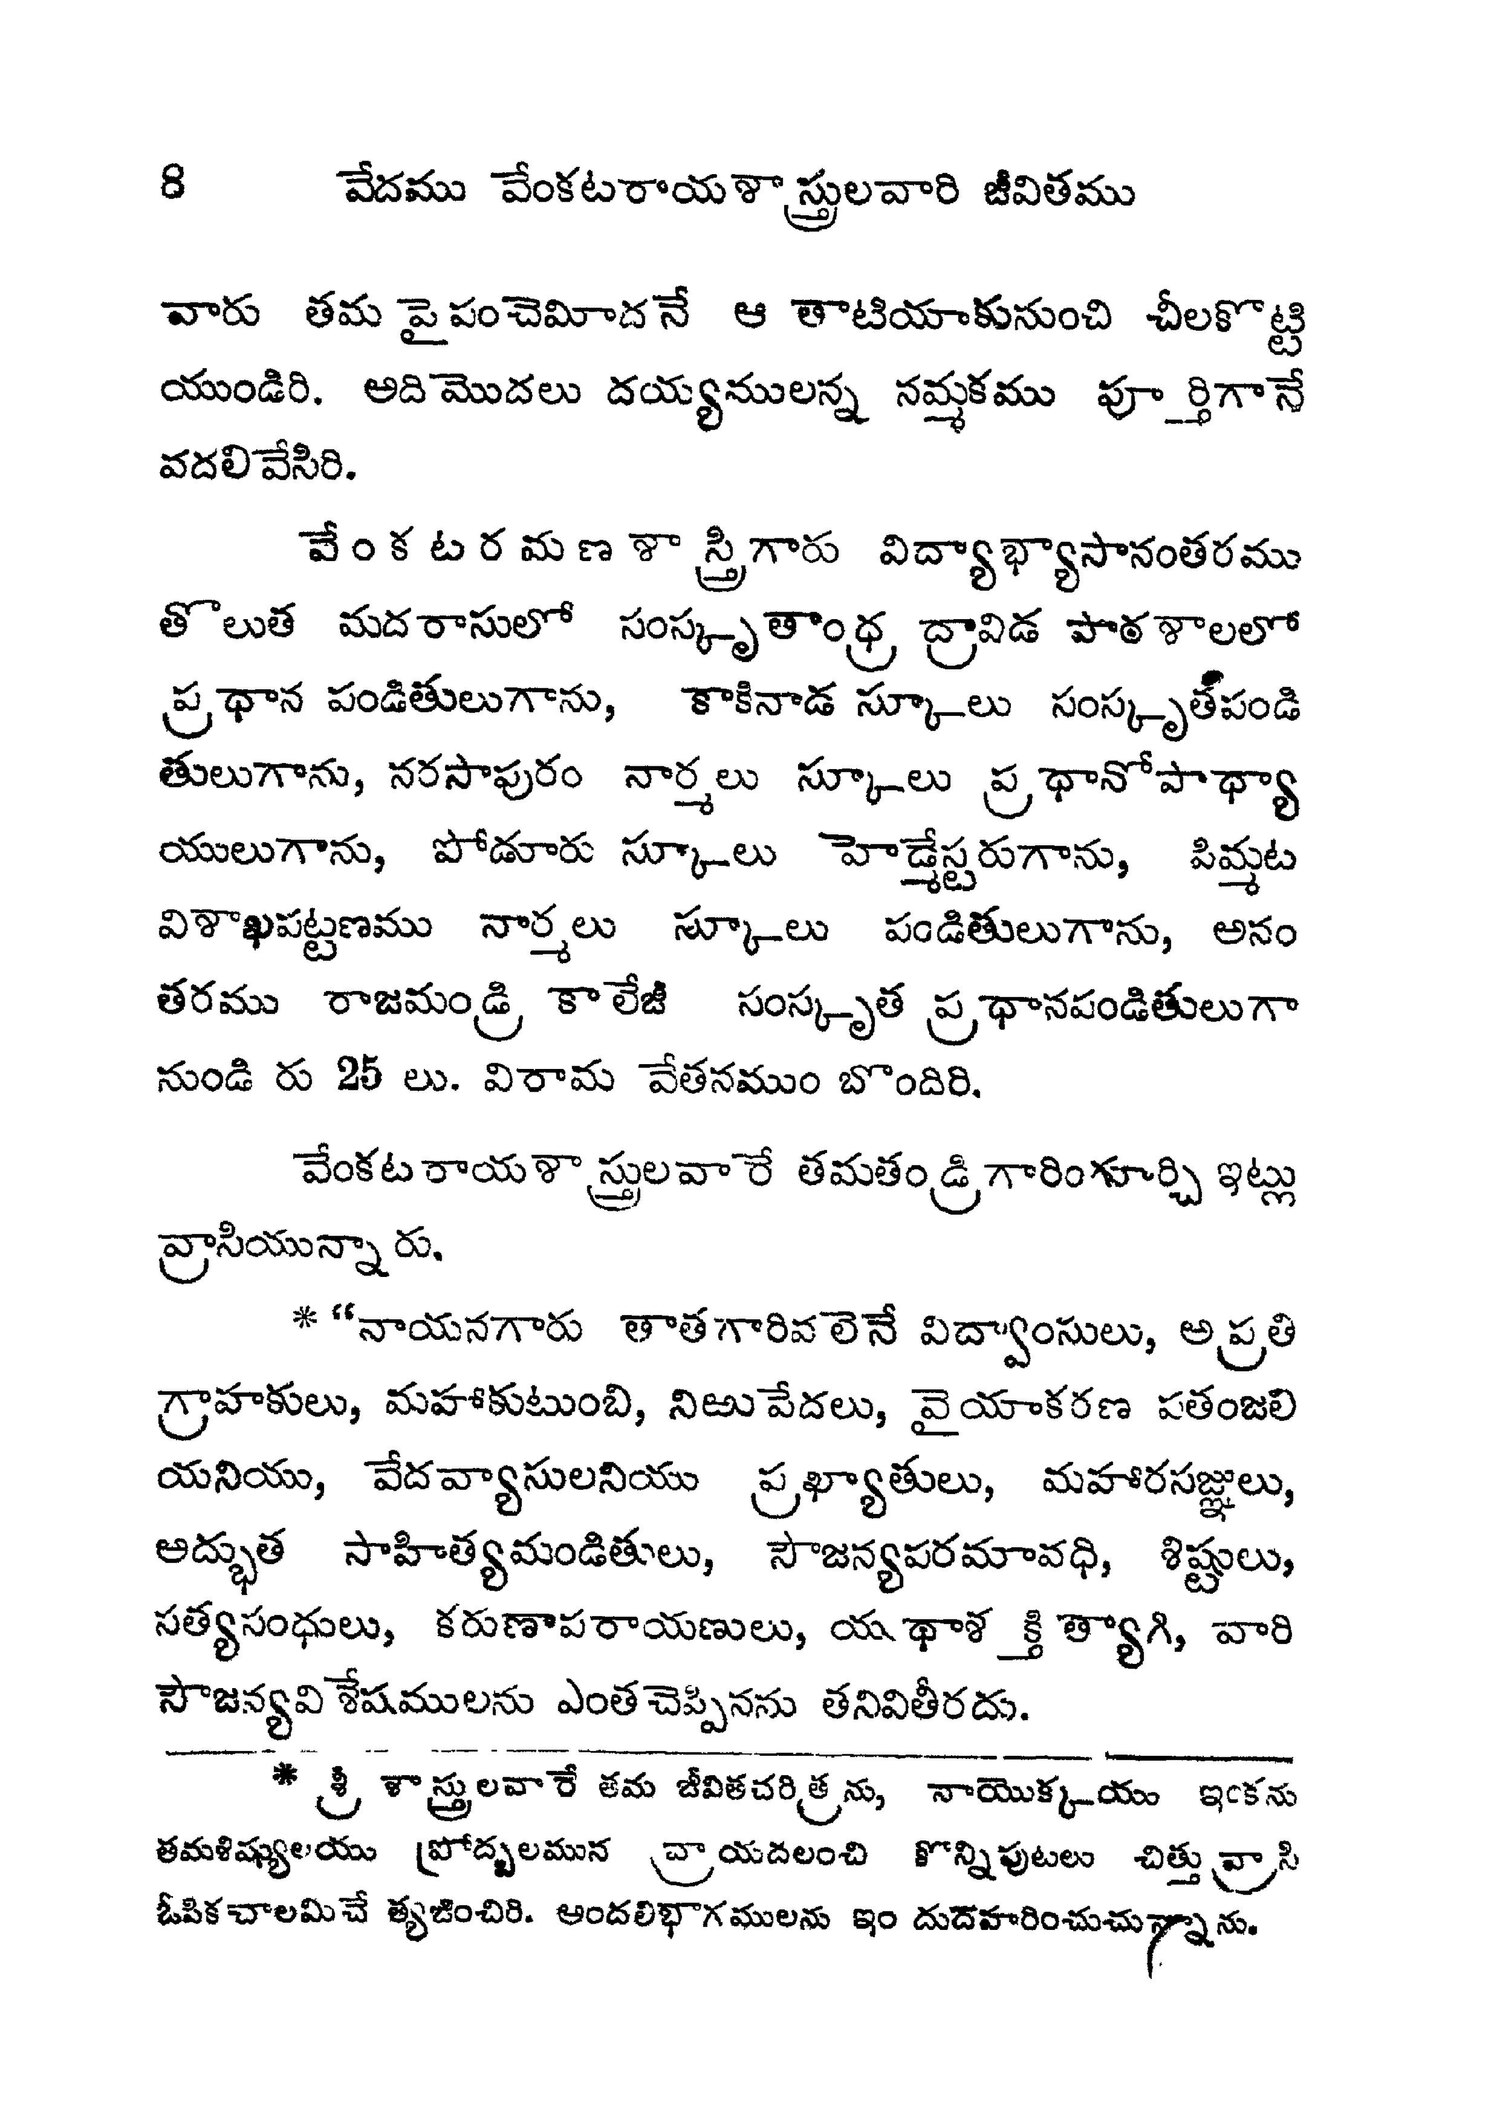వారు తమ పైపంచమీదనే ఆ తాటియాకునుంచి చీలకొట్టి యుండిరి. అదిమొదలు దయ్యములన్న నమ్మకము పూర్తిగానే వదలివేసిరి.

వేంకటరమణశాస్త్రిగారు విద్యభ్యాసానంతరము తొలుత మదరాసులో సంస్కృతాంధ్ర ద్రావిడ పాఠశాలలో ప్రధాన పండితులుగాను, కాకినాడ స్కూలు సంస్కృతపండితులుగాను, నరసాపురం నార్మలు స్కూలు ప్రధానోపాధ్యాయులుగాను, పోడూరు స్కూలు హెడ్మేస్టరుగాను, పిమ్మట విశాఖపట్టణము నార్మలు స్కూలు పండితులుగాను, అనంతరము రాజమండ్రి కాలేజి సంస్కృత ప్రధానపండితులుగా నుండి రు 25 లు. విరామ వేతనముం బొందిరి.

వేంకటరాయశాస్త్రులవారే తమతండ్రిగారింగూర్చి ఇట్లు వ్రాసియున్నారు.

 "నాయనగారు తాతగారివలెనే విద్వాంసులు, అప్రతిగ్రాహకులు, మహాకుటుంబి, నిఱుపేదలు, వైయాకరణ పతంజలి యనియు, వేదవ్యాసులనియు ప్రఖ్యాతులు, మహారసజ్ఞులు, అద్భుత సాహిత్యమండితులు, సౌజన్యపరమావధి, శిష్టులు, సత్యసంధులు, కరుణాపరాయణులు, యథాశక్తిత్యాగి, వారి సౌజన్యవిశేషములను ఎంతచెప్పినను తనివితీరదు.